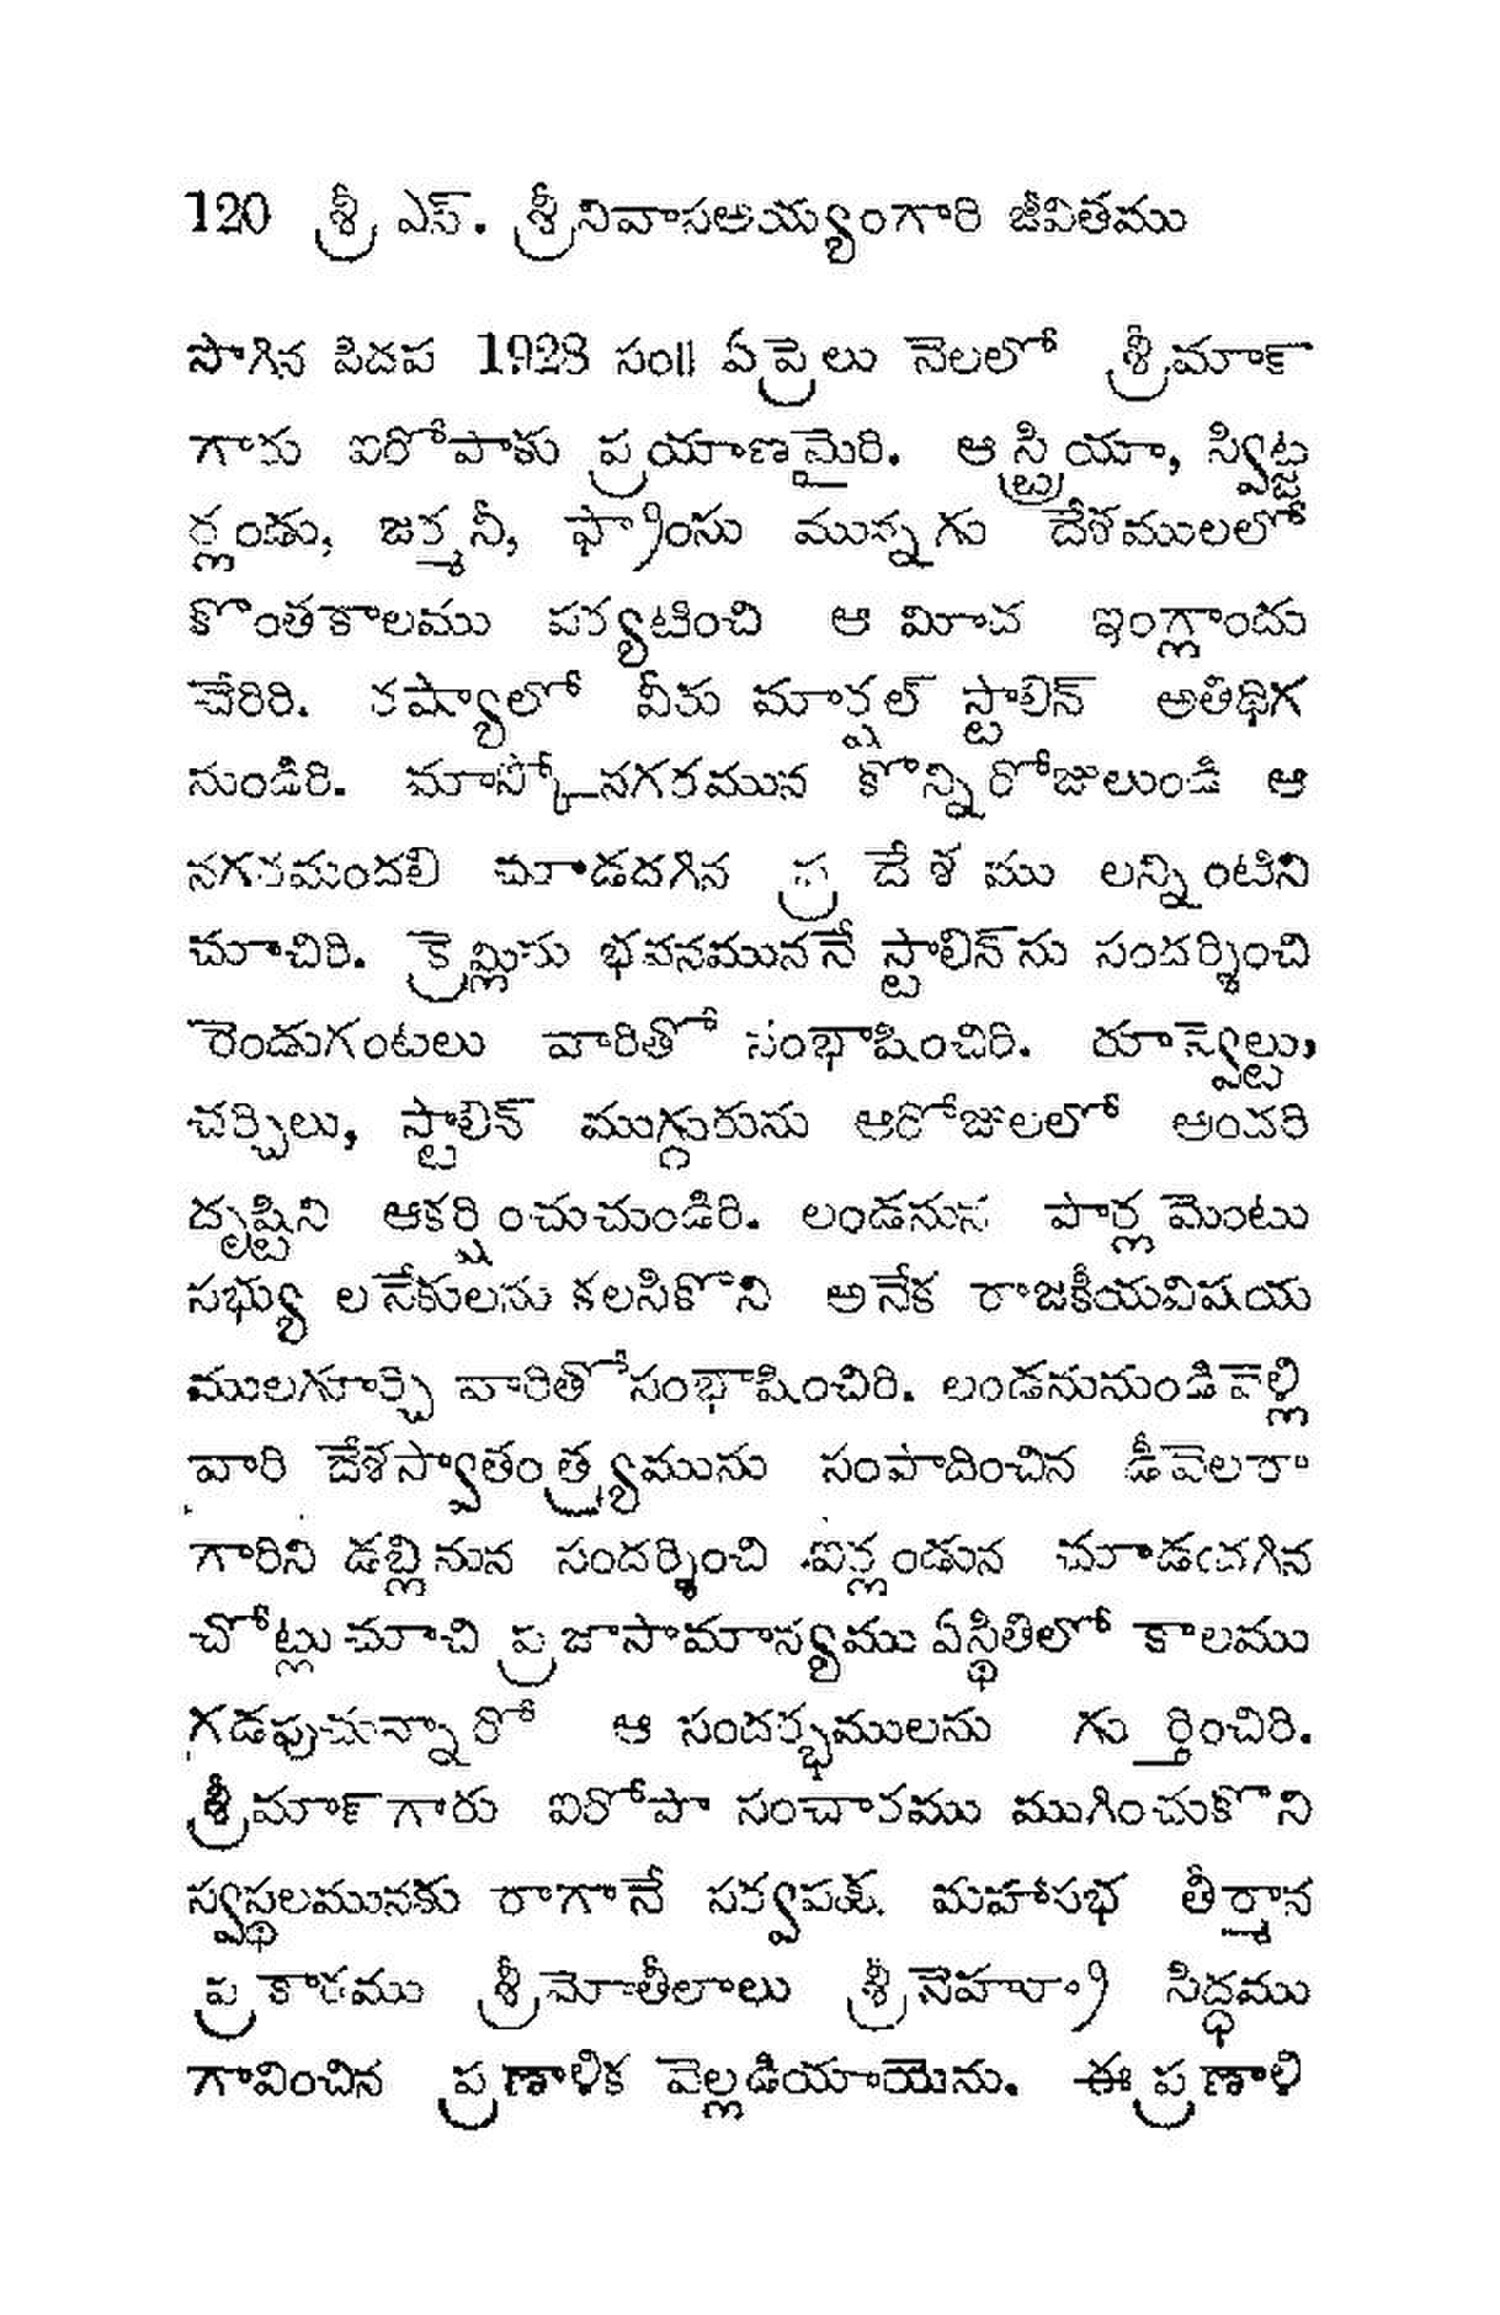సాగిన పిదప 1928 సం!! ఏప్రెలు నెలలో శ్రీమా౯గారు ఐరోపాకు ప్రయాణమైరి. ఆస్ట్రియా, స్విట్జర్లండు, జర్మనీ, ఫ్రాంసు మున్నగు దేశములలో కొంతకాలము పర్యటించి ఆ మీద ఇంగ్లాందు చేరిరి. రష్యాలో వీరు మార్షల్ స్టాలిన్ అతిథిగ నుండిరి. మాస్కోనగరమున కొన్నిరోజులుండి ఆ నగరమందలి చూడదగిన ప్రదేశము లన్నింటిని చూచిరి. క్రెమ్లిను భవనముననే స్టాలిన్‌ను సందర్శించి రెండుగంటలు వారితో సంభాషించిరి. రూస్వెల్టు, చర్చిలు, స్టాలిన్ ముగ్గురును ఆరోజులలో అందరి దృష్టిని ఆకర్షించుచుండిరి. లండనున పార్లమెంటు సభ్యు లనేకులను కలసికొని అనేక రాజకీయవిషయములగూర్చి వారితో సంభాషించిరి. లండనునుండివెళ్లి వారి దేశస్వాతంత్ర్యమును సంపాదించిన డీవెలరా గారిని డబ్లినున సందర్శించి ఐర్లండున చూడఁదగిన చోట్లుచూచి ప్రజాసామాన్యము ఏస్థితిలో కాలము గడపుచున్నారో ఆ సందర్భములను గుర్తించిరి. శ్రీమా౯గారు ఐరోపా సంచారము ముగించుకొని స్వస్థలమునకు రాగానే సర్వపక్ష మహాసభ తీర్మాన ప్రకారము శ్రీమోతీలాలు శ్రీ నెహ్రూ సిద్ధము గావించిన ప్రణాళిక వెల్లడియాయెను. ఈ ప్రణాళి